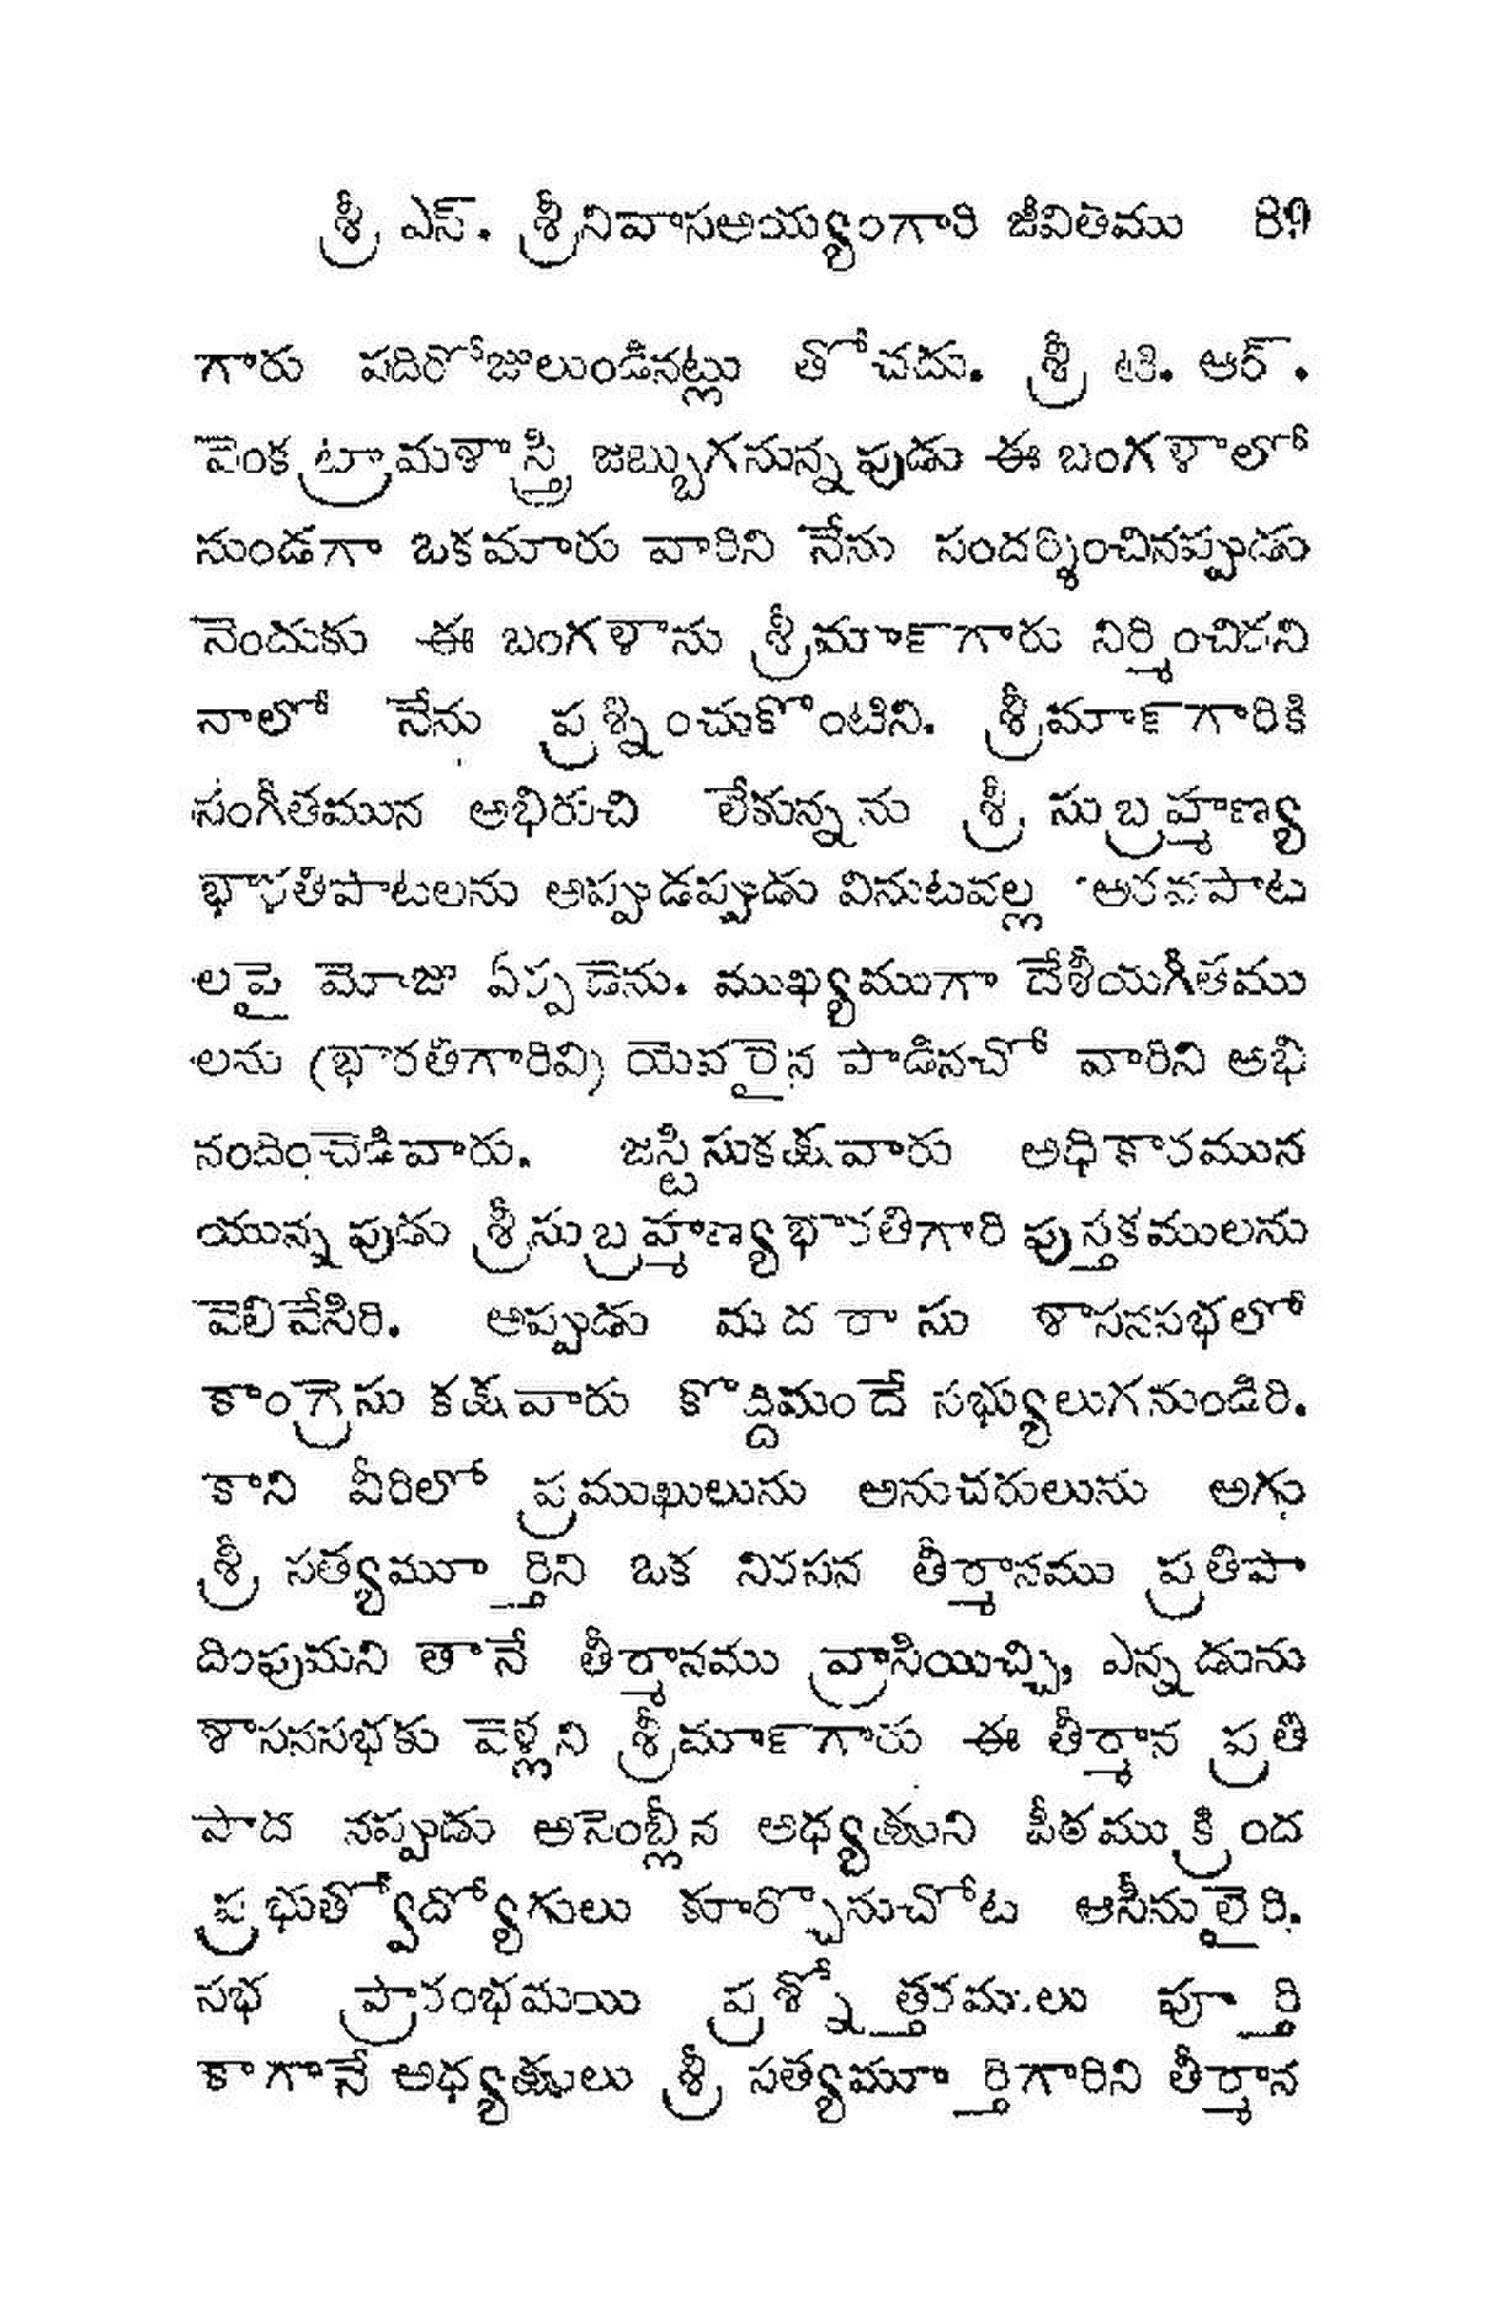గారు పదిరోజులుండినట్లు తోచదు. శ్రీ టి. ఆర్. వెంకట్రామశాస్త్రి జబ్బుగనున్నపుడు ఈ బంగళాలో నుండగా ఒకమారు వారిని నేను సందర్శించినప్పుడు నెందుకు ఈ బంగళాను శ్రీమా౯గారు నిర్మించిరని నాలో నేను ప్రశ్నించుకొంటిని. శ్రీమా౯గారికి సంగీతమున అభిరుచి లేకున్నను శ్రీ సుబ్రహ్మణ్యభారతి పాటలను అప్పుడప్పుడు వినుటవల్ల అరవపాటలపై మోజు ఏర్పడెను. ముఖ్యముగా దేశీయగీతములను (భారతి గారివి) యెవరైన పాడినచో వారిని అభినందించెడివారు. జస్టిసుకక్షవారు అధికారమున యున్నపుడు శ్రీసుబ్రహ్మణ్యభారతిగారి పుస్తకములను వెలివేసిరి. అప్పుడు మదరాసు శాసససభలో కాంగ్రెసు కక్షవారు కొద్దిమంది సభ్యులుగనుండిరి. కాని వీరిలో ప్రముఖులును అనుచరులును అగు శ్రీ సత్యమూర్తిని ఒక నిరసన తీర్మానము ప్రతిపాదింపుమని తానే తీర్మానము వ్రాసియిచ్చి, ఎన్నడును శాసససభకు వెళ్లని శ్రీమా౯గారు ఈ తీర్మాన ప్రతిపాద నప్పుడు అసెంబ్లీన అధ్యక్షుని పీఠముక్రింద ప్రభుత్వోద్యోగులు కూర్చొసుచోట ఆసీనులైరి. సభ ప్రారంభమయి ప్రశ్నోత్తరములు పూర్తికాగానే అధ్యక్షులు శ్రీ సత్యమూర్తిగారిని తీర్మాన